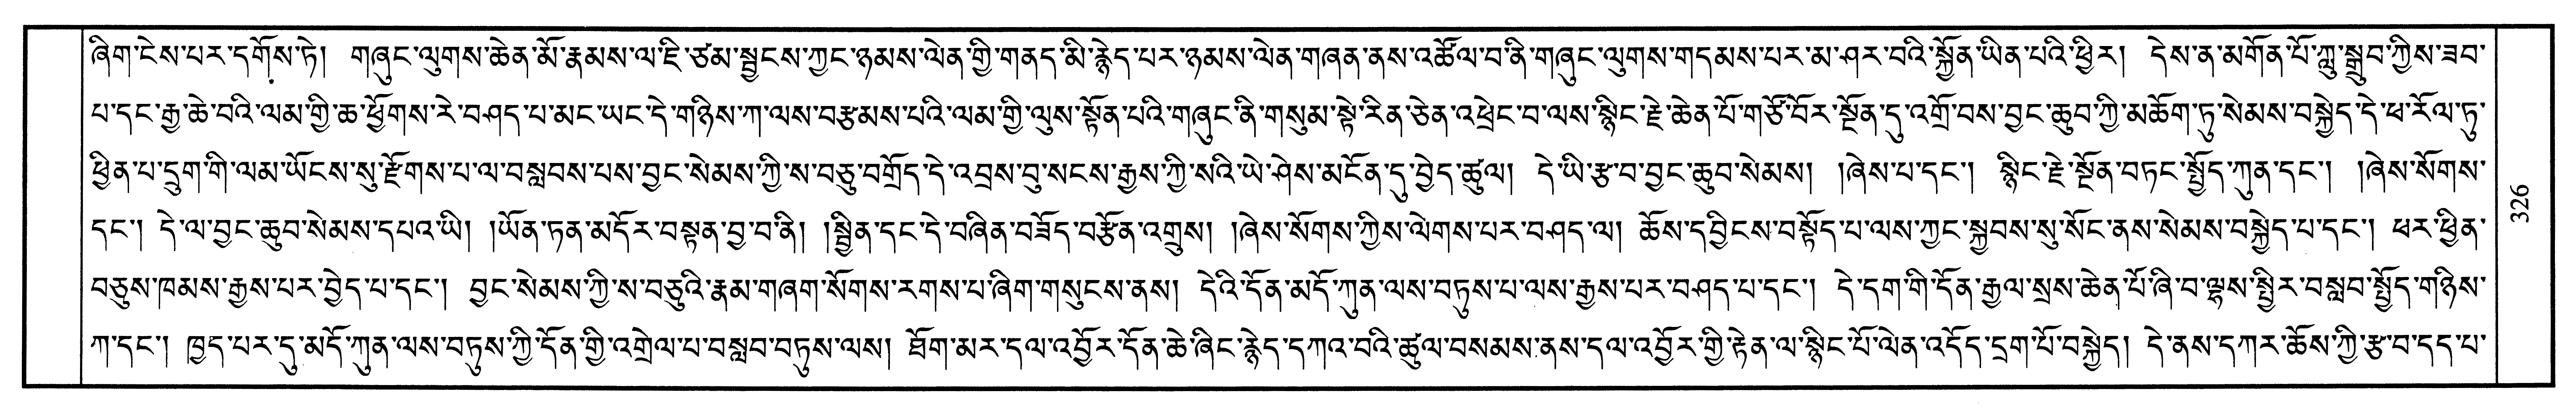ཞིག་ངེས་པར་དགོས་ཏེ། གཞུང་ལུགས་ཆེན་མོ་རྣམས་ལ་ཇི་ཙམ་སྦྱངས་ཀྱང་ཉམས་ལེན་གྱི་གནད་མི་རྙེད་པར་ཉམས་ལེན་གཞན་ནས་འཚོལ་བ་ནི་གཞུང་ལུགས་གདམས་པར་མ་ཤར་བའི་སྐྱོན་ཡིན་པའི་ཕྱིར། དེས་ན་མགོན་པོ་ཀླུ་སྒྲུབ་ཀྱིས་ཟབ་
པ་དང་རྒྱ་ཆེ་བའི་ལམ་གྱི་ཆ་ཕྱོགས་རེ་བཤད་པ་མང་ཡང་དེ་གཉིས་ཀ་ལས་བརྩམས་པའི་ལམ་གྱི་ལུས་སྟོན་པའི་གཞུང་ནི་གསུམ་སྟེ་རིན་ཅེན་འཕྲེང་བ་ལས་སྙིང་རྗེ་ཆེན་པོ་གཙོ་བོར་སྔོན་དུ་འགྲོ་བས་བྱང་ཆུབ་ཀྱི་མཆོག་ཏུ་སེམས་བསྐྱེད་དེ་ཕ་རོལ་ཏུ་
ཕྱིན་པ་དྲུག་གི་ལམ་ཡོངས་སུ་རྫོགས་པ་ལ་བསླབས་པས་བྱང་སེམས་ཀྱི་ས་བཅུ་བགྲོད་དེ་འབྲས་བུ་སངས་རྒྱས་ཀྱི་སའི་ཡེ་ཤེས་མངོན་དུ་བྱེད་ཚུལ། དེ་ཡི་རྩ་བ་བྱང་ཆུབ་སེམས། །ཞེས་པ་དང་། སྙིང་རྗེ་སྔོན་བཏང་སྤྱོད་ཀུན་དང་། །ཞེས་སོགས་
དང་། དེ་ལ་བྱང་ཆུབ་སེམས་དཔའ་ཡི། །ཡོན་ཏན་མདོར་བསྟན་བྱ་བ་ནི། །སྦྱིན་དང་དེ་བཞིན་བཟོད་བརྩོན་འགྲུས། །ཞེས་སོགས་ཀྱིས་ལེགས་པར་བཤད་ལ། ཆོས་དབྱིངས་བསྟོད་པ་ལས་ཀྱང་སྐྱབས་སུ་སོང་ནས་སེམས་བསྐྱེད་པ་དང་། ཕར་ཕྱིན་
བཅུས་ཁམས་རྒྱས་པར་བྱེད་པ་དང་། བྱང་སེམས་ཀྱི་ས་བཅུའི་རྣམ་གཞག་སོགས་རགས་པ་ཞིག་གསུངས་ནས། དེའི་དོན་མདོ་ཀུན་ལས་བཏུས་པ་ལས་རྒྱས་པར་བཤད་པ་དང་། དེ་དག་གི་དོན་རྒྱལ་སྲས་ཆེན་པོ་ཞི་བ་ལྷས་སྤྱིར་བསླབ་སྤྱོད་གཉིས་
ཀ་དང་། ཁྱད་པར་དུ་མདོ་ཀུན་ལས་བཏུས་ཀྱི་དོན་གྱི་འགྲེལ་པ་བསླབ་བཏུས་ལས། ཐོག་མར་དལ་འབྱོར་དོན་ཆེ་ཞིང་རྙེད་དཀའ་བའི་ཚུལ་བསམས་ནས་དལ་འབྱོར་གྱི་རྟེན་ལ་སྙིང་པོ་ལེན་འདོད་དྲག་པོ་བསྐྱེད། དེ་ནས་དཀར་ཆོས་ཀྱི་རྩ་བ་དད་པ་